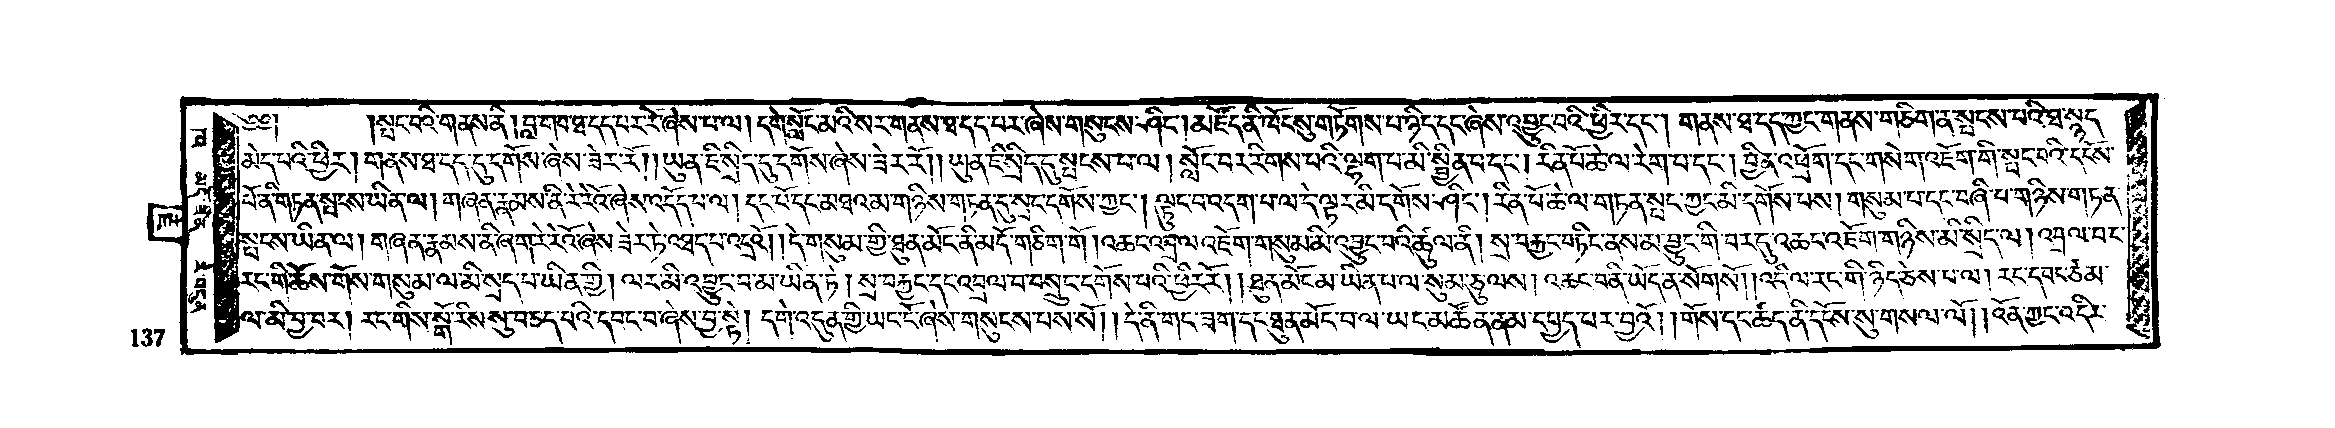༄༅། །སྤང་བའི་གནས་ནི། བླ་གབ་ཐ་དད་པར་རོ་ཞེས་པ་ལ། དགེ་སློང་མའི་སར་གནས་ཐ་དད་པར་ཞེས་གསུངས་ཤིང་། མཛོད་ནི་ཁོངས་སུ་གཏོགས་པ་ཉིད་དང་ཞེས་འབྱུང་བའི་ཕྱིར་དང་། གནས་ཐ་དད་ཀྱང་གནས་གཅིག་ན་སྤངས་པའི་ཐ་སྙད་
མེད་པའི་ཕྱིར། གནས་ཐ་དད་དུ་དགོས་ཞེས་ཟེར་རོ། །ཡུན་ཇི་སྲིད་དུ་དགོས་ཞེས་ཟེར་རོ། །ཡུན་ཇི་སྲིད་དུ་སྤངས་པ་ལ། སློང་བར་རིགས་པའི་ལྷག་པ་མི་སྦྱིན་པ་དང་། རིན་པོ་ཆེ་ལ་རེག་པ་དང་། བྱིན་འཕྲོག་དང་གསེག་འཇོག་གི་སྤང་བའི་དངོས་
པོ་ནི་གཏན་སྤངས་ཡིན་ལ། གཞན་རྣམས་ནི་རི་རིའོ་ཞེས་འདོད་པ་ལ། དང་པོ་དང་མཐའ་མ་གཉིས་གཏན་དུ་སྲང་དགོས་ཀྱང་། ལྟུང་བ་འདག་པ་ལ་དེ་ལྟར་མི་དགོས་ཤིང་། རིན་པོ་ཆེ་ལ་གཏན་སྤང་ཀྱང་མི་དགོས་པས། གསུམ་པ་དང་བཞི་པ་གཉིས་གཏན་
སྤངས་ཡིན་ལ། གཞན་རྣམས་ནི་ཞག་རི་རིའོ་ཞེས་ཟེར་ཏེ་འཐད་པ་འདྲའོ། །དེ་གསུམ་གྱི་ཐུན་མོང་ནི་མདོ་གཅིག་གོ །འཆང་འབྲལ་འཇོག་གསུམ་མི་འབྱུང་བའི་ཚུལ་ནི། སྲ་བརྐྱང་བཏིང་ནས་མ་བྱུང་གི་བར་དུ་འཆད་འཇོག་གཉིས་མི་སྲིད་ལ། འབར་བར་
རང་གི་ཆེས་གོས་གསུམ་ལ་མི་སྲིད་པ་ཡིན་གྱི། ལར་མི་འབྱུང་བ་མ་ཡིན་ཏེ། སྲ་བརྐྱང་དང་འབྲལ་བ་བསྲུང་དགོས་པའི་ཕྱིར་རོ། །ཐུན་མོང་མ་ཡིན་པ་ལ་སུམ་ཅུ་ལས། འཆང་བ་ནི་ཡོད་ན་སོགས་སོ། །འདི་ལ་རང་གི་ཉིད་ཅེས་པ་ལ། རང་དབང་ཙམ་
ལ་མི་བྱ་བར། རང་གིས་སྒོ་རིས་སུ་བཅད་པའི་དབང་བ་ཞེས་བྱ་སྟེ། དགེ་འདུན་གྱི་ཡང་ངོ་ཞེས་གསུངས་པས་སོ། །དེ་ནི་གང་ཟག་དང་ཐུན་མོང་བ་ལ་ཡང་མཚོན་ནམ་དཔྱད་པར་བྱའོ། །གོས་དང་ཚད་ནི་དངོས་སུ་གསལ་ལོ། །འོན་ཀྱང་འདིར་